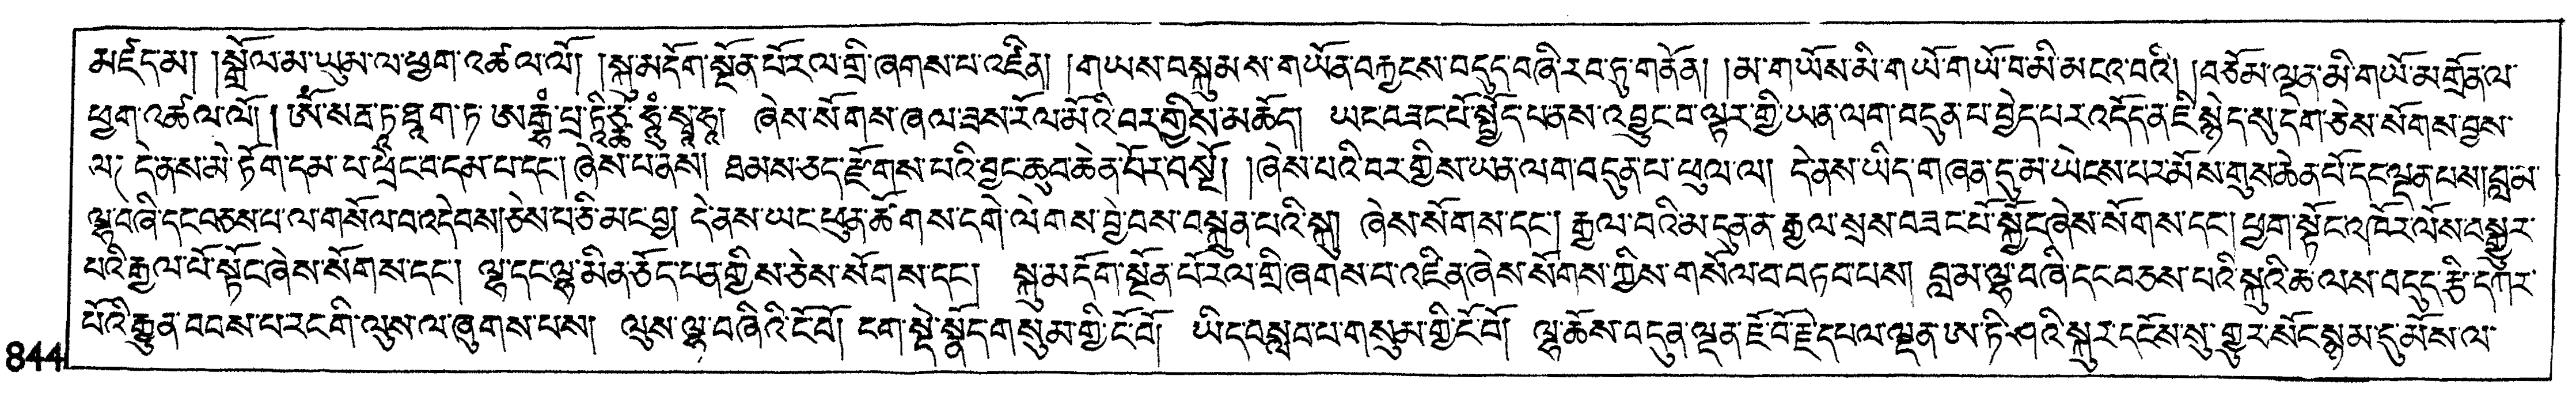མཛད་མ། །སྒྲོལ་མ་ཡུམ་ལ་ཕྱག་འཚལ་ལོ། །སྐུ་མདོག་སྔོན་པོ་རལ་གྲི་ཞགས་པ་འཛིན། །གཡས་བསྐུམས་གཡོན་བརྐྱངས་བདུད་བཞི་རབ་ཏུ་གནོན། །མ་གཡོས་མི་གཡོ་གཡོ་བ་མི་མངའ་བའི། །བཅོམ་ལྡན་མི་གཡོ་མགྲོན་ལ་
ཕྱག་འཚལ་ལོ། །ཨོཾ་སརྦ་ཏཱ་ཐཱ་ག་ཏ་ཨརྒྷཾ་པྲ་ཏཱི་ཙྪ་ཧཱུཾ་སྭཱ་ཧཱ། ཞེས་སོགས་ཞལ་ཟས་རོལ་མོའི་བར་གྱིས་མཆོད། ཡང་བཟང་པོ་སྤྱོད་པ་ནས་འབྱུང་བ་ལྟར་གྱི་ཡན་ལག་བདུན་པ་བྱེད་པར་འདོད་ན་ཇི་སྙེད་སུ་དག་ཅེས་སོགས་བྱས་
ལ། དེ་ནས་མེ་ཏོག་དམ་པ་ཕྲེང་བ་དམ་པ་དང་། ཞེས་པ་ནས། ཐམས་ཅད་རྫོགས་པའི་བྱང་ཆུབ་ཆེན་པོར་བསྔོ། །ཞེས་པའི་བར་གྱིས་ཡན་ལག་བདུན་པ་ཕུལ་ལ། དེ་ནས་ཡིད་གཞན་དུ་མ་ཡེངས་པར་མོས་གུས་ཆེན་པོ་དང་ལྡན་པས། བླ་མ་
ལྷ་བཞི་དང་བཅས་པ་ལ་གསོལ་བ་འདེབས། ཅེས་པ་ཅི་མང་བྱ། དེ་ནས་ཡང་ཕུན་ཚོགས་དགེ་ལེགས་བྱེ་བས་བསྐྲུན་པའི་སྐུ། ཞེས་སོགས་དང་། རྒྱལ་བའི་མདུན་ན་རྒྱལ་སྲས་བཟང་པོ་སྐྱོང་ཞེས་སོགས་དང་། ཕྱག་སྟོང་འཁོར་ལོས་བསྒྱུར་
པའི་རྒྱལ་པོ་སྟོང་ཞེས་སོགས་དང་། ལྷ་དང་ལྷ་མིན་ཅོད་པན་གྱིས་ཅེས་སོགས་དང་། སྐུ་མདོག་སྔོན་པོ་རལ་གྲི་ཞགས་པ་འཛིན་ཞེས་སོགས་ཀྱིས་གསོལ་བ་བཏབ་པས། བླ་མ་ལྷ་བཞི་དང་བཅས་པའི་སྐུའི་ཆ་ལས་བདུད་རྩི་དཀར་
པོའི་རྒྱུན་བབས་པ་རང་གི་ལུས་ལ་ཞུགས་པས། ལུས་ལྷ་བཞིའི་ངོ་བོ། ངག་སྡེ་སྣོད་གསུམ་གྱི་ངོ་བོ། ཡིད་བསླབ་པ་གསུམ་གྱི་ངོ་བོ། ལྷ་ཆོས་བདུན་ལྡན་ཇོ་བོ་རྗེ་དཔལ་ལྡན་ཨ་ཏི་ཤའི་སྐུར་དངོས་སུ་གྱུར་སོང་སྙམ་དུ་མོས་ལ་